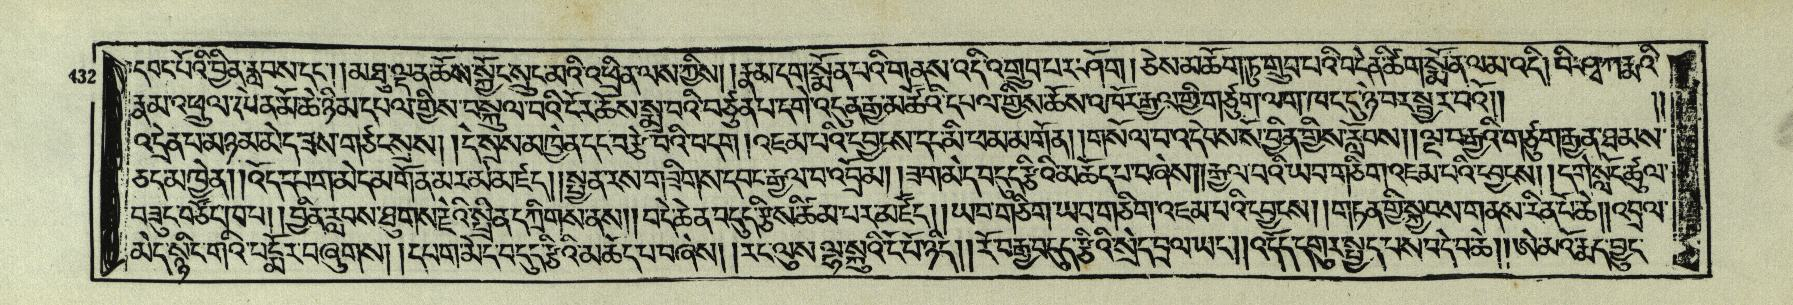དབང་པོའི་བྱིན་རླབས་དང་། །མཐུ་ལྡན་ཆོས་སྐྱོང་སྲུང་མའི་འཕྲིན་ལས་ཀྱིས། །རྣམ་དག་སྨོན་པའི་གནས་འདི་འགྲུབ་པར་ཤོག །ཅེས་མཆོག་ཏུ་གྲུབ་པའི་བདེན་ཚིག་སྨོན་ལམ་འདི། བི་ཤྭ་ཀརྨའི་
རྣམ་འཕྲུལ་དབེན་མོ་ཆེ་ཉི་མ་དཔལ་གྱིས་བསྐུལ་བའི་ངོར་ཆོས་སྨྲ་བའི་བཙུན་པ་དགེ་འདུན་རྒྱ་མཚོའི་དཔལ་གྱིས་ཆོས་འཁོར་རྒྱལ་གྱི་གཙུག་ལག་ཁང་དུ་ཉེ་བར་སྦྱར་བའོ།། །།
འདྲེན་པ་མཉམ་མེད་ཟས་གཙང་སྲས། །དེ་སྲས་མཁྱེན་དང་བརྩེ་བའི་བདག །འཇམ་པའི་དབྱངས་དང་མི་ཕམ་མགོན། །གསོལ་བ་འདེབས་སོ་བྱིན་གྱིས་རློབས། །ལྔ་བརྒྱའི་གཙུག་རྒྱན་ཐམས་
ཅད་མཁྱེན། །འོད་དཔག་མེད་མགོན་མར་མེ་མཛད། །སྤྱན་རས་གཟིགས་དབང་རྒྱལ་བ་འབྲོམ། །ཟག་མེད་བདུད་རྩིའི་མཆོད་པ་བཞེས། །རྒྱལ་བའི་ཡབ་གཅིག་འཇམ་པའི་དབྱངས། །དགེ་སློང་ཚུལ་
བཟུང་བཙོང་ཁ་པ། །བྱིན་རླབས་ཐུགས་རྗེའི་སྤྲིན་དཀྲིགས་ནས། །བདེ་ཆེན་བདུད་རྩིས་ཚིམ་པར་མཛོད། །ཡབ་གཅིག་ཡབ་གཅིག་འཇམ་པའི་དབྱངས། །གཏན་གྱི་སྐྱབས་གནས་རིན་པོ་ཆེ། །འབྲལ་
མེད་སྙིང་གའི་པདམོར་བཞུགས། །དཔག་མེད་བདུད་རྩིའི་མཆོད་པ་བཞེས། །རང་ལུས་ལྷ་སྐུའི་ངོ་པོ་ཉིད། །རོ་བརྒྱ་བདུད་རྩིའི་སྲེད་བྲལ་ཡང་། །འདོད་དགུར་སྤྱད་པས་བདེ་བ་ཆེ། །ཨེ་མའོ་རྨད་བྱུང་